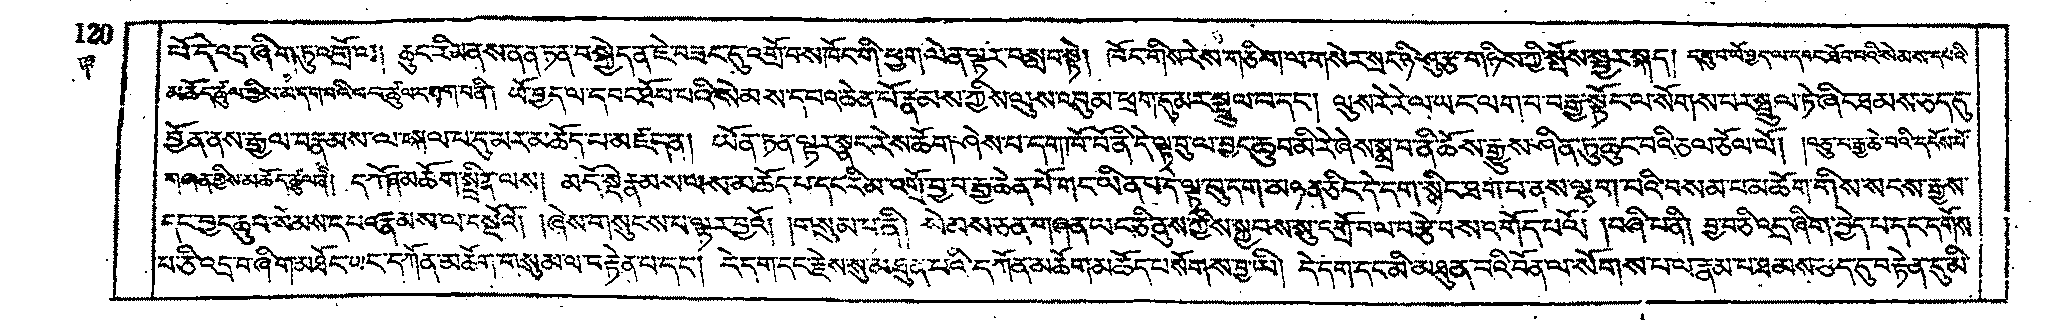པོ་དེ་འདྲ་ཞིག་ཏུ་འགྲོ་ལ། ཆུང་རིམ་ནས་ནན་ཏན་བསྐྱེད་ན་ཇེ་བཟང་དུ་འགྲོ་བས་ཁོང་གི་ཕྱག་ལེན་ལྟར་བསླབ་སྟེ། ཁོང་གིས་རེས་གཅིག་ལ་གསེར་སྲང་ཉི་ཤུ་རྩ་གཉིས་ཀྱི་སྤོས་སྦྱར་སྐད། དགུ་པ་ཡོ་བྱད་ལ་དབང་ཐོབ་པའི་སེམས་དཔའི་
མཆོད་ཚུལ་གྱིས་མ་དག་པའི་ལབ་ཚུལ་དགག་པ་ནི། ཡོ་བྱད་ལ་དབང་ཐོབ་པའི་སེམས་དཔའ་ཆེན་པོ་རྣམས་ཀྱིས་ལུས་འབུམ་ཕྲག་དུ་མར་སྤྲུལ་བ་དང་། ལུས་རེ་རེ་ལ་ཡང་ལག་པ་བརྒྱ་སྟོང་ལ་སོགས་པར་སྤྲུལ་ཏེ་ཞིང་ཐམས་ཅད་དུ་
བྱོན་ནས་རྒྱལ་བ་རྣམས་ལ་བསྐལ་པ་དུ་མར་མཆོད་པ་མཛད་ན། ཡོན་ཏན་ལྟར་སྣང་རེས་ཆོག་ཤེས་པ་དག་ཁོ་བོ་ནི་དེ་ལྟ་བུ་ལ་བྱང་ཆུབ་མི་རེ་ཞེས་སྨྲ་བ་ནི་ཆོས་རྒྱུས་ཤིན་ཏུ་ཆུང་བའི་ཅལ་ཅོལ་ལོ། །བཅུ་པ་རྒྱ་ཆེ་བའི་དངོས་པོ་
གཞན་གྱིས་མཆོད་ཚུལ་ཞི། དཀོན་མཆོག་སྤྲིན་ལས། མདོ་སྡེ་རྣམས་ལས་མཆོད་པ་དང་རིམ་འགྲོ་བྱ་བ་རྒྱ་ཆེན་པོ་གང་ཡིན་པ་དེ་ལྟ་བུ་དག་མཉན་ཅིང་དེ་དག་སྙིང་ཐག་པ་ནས་ལྷག་པའི་བསམ་པ་མཆོག་གིས་སངས་རྒྱས་
དང་བྱང་ཆུབ་སེམས་དཔའ་རྣམས་ལ་བསྔོའོ། །ཞེས་གསུངས་པ་ལྟར་བྱའོ། །གསུམ་པ་ནི། སེམས་ཅན་གཞན་ཡང་ཅི་ནུས་ཀྱིས་སྐྱབས་སུ་འགྲོ་བ་ལ་བརྩེ་བས་འགོད་པའོ། །བཞི་པ་ནི། བྱ་བ་ཅི་འདྲ་ཞིག་བྱེད་པ་དང་དགོས་
པ་ཅི་འདྲ་བ་ཞིག་མཐོང་ཡང་དཀོན་མཆོག་གསུམ་ལ་བརྟེན་པ་དང་། དེ་དག་དང་རྗེས་སུ་མཐུན་པའི་དཀོན་མཆོག་མཆོད་པ་སོགས་བྱ་ཡི། དེ་དག་དང་མི་མཐུན་པའི་བོན་ལ་སོགས་པ་རྣམ་པ་ཐམས་ཅད་དུ་བརྟེན་དུ་མི་